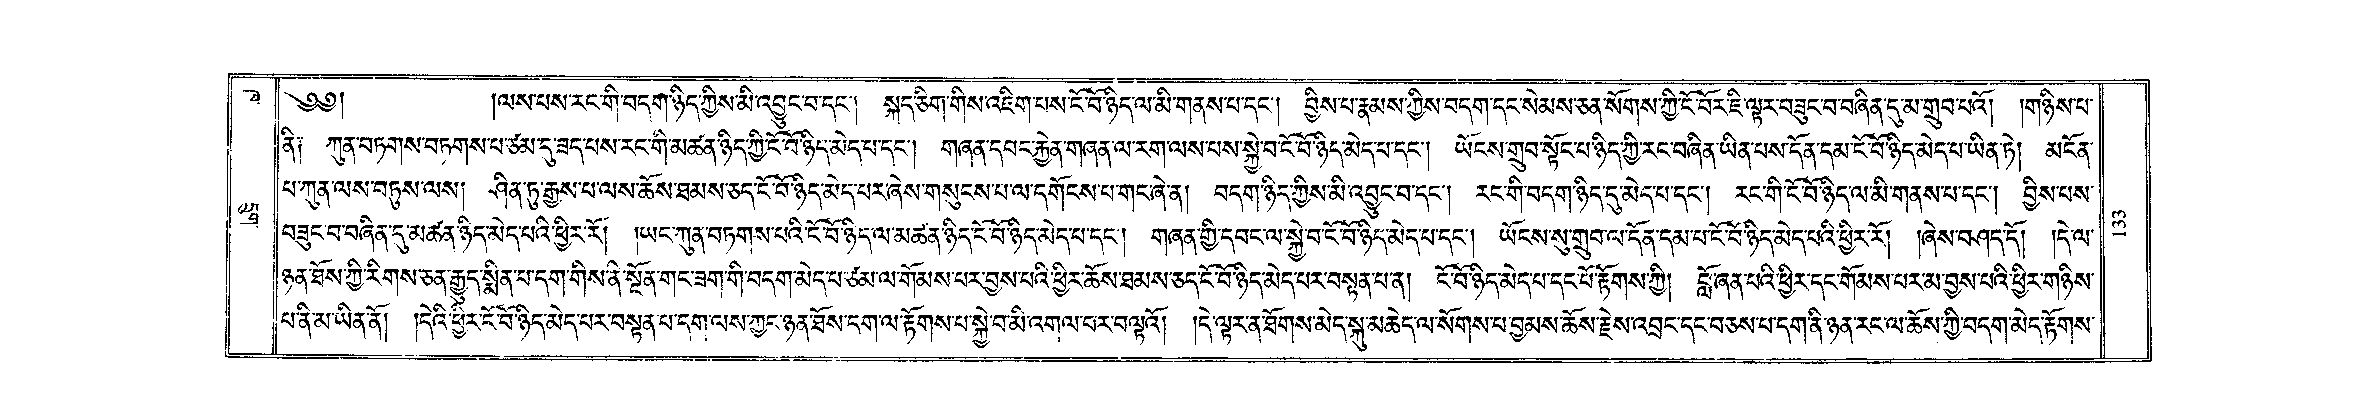༄༅། །ལས་པས་རང་གི་བདག་ཉིད་ཀྱིས་མི་འབྱུང་བ་དང་། སྐད་ཅིག་གིས་འཇིག་པས་ངོ་བོ་ཉིད་ལ་མི་གནས་པ་དང་། བྱིས་པ་རྣམས་ཀྱིས་བདག་དང་སེམས་ཅན་སོགས་ཀྱི་ངོ་བོར་ཇི་ལྟར་བཟུང་བ་བཞིན་དུ་མ་གྲུབ་པའོ། །གཉིས་པ་
ནི༑ ཀུན་བཏགས་བཏགས་པ་ཙམ་དུ་ཟད་པས་རང་གི་མཚན་ཉིད་ཀྱི་ངོ་བོ་ཉིད་མེད་པ་དང་། གཞན་དབང་རྐྱེན་གཞན་ལ་རག་ལས་པས་སྐྱེ་བ་ངོ་བོ་ཉིད་མེད་པ་དང་། ཡོངས་གྲུབ་སྟོང་པ་ཉིད་ཀྱི་རང་བཞིན་ཡིན་པས་དོན་དམ་ངོ་བོ་ཉིད་མེད་པ་ཡིན་ཏེ། མངོན་
པ་ཀུན་ལས་བཏུས་ལས། ཤིན་ཏུ་རྒྱས་པ་ལས་ཆོས་ཐམས་ཅད་ངོ་བོ་ཉིད་མེད་པར་ཞེས་གསུངས་པ་ལ་དགོངས་པ་གང་ཞེ་ན། བདག་ཉིད་ཀྱིས་མི་འབྱུང་བ་དང་། རང་གི་བདག་ཉིད་དུ་མེད་པ་དང་། རང་གི་ངོ་བོ་ཉིད་ལ་མི་གནས་པ་དང་། བྱིས་པས་
བཟུང་བ་བཞིན་དུ་མཚན་ཉིད་མེད་པའི་ཕྱིར་རོ། །ཡང་ཀུན་བཏགས་པའི་ངོ་བོ་ཉིད་ལ་མཚན་ཉིད་ངོ་བོ་ཉིད་མེད་པ་དང་། གཞན་གྱི་དབང་ལ་སྐྱེ་བ་ངོ་བོ་ཉིད་མེད་པ་དང་། ཡོངས་སུ་གྲུབ་ལ་དོན་དམ་པ་ངོ་བོ་ཉིད་མེད་པའི་ཕྱིར་རོ། །ཞེས་བཤད་དོ། །དེ་ལ་
ཉན་ཐོས་ཀྱི་རིགས་ཅན་རྒྱུད་སྨིན་པ་དག་གིས་ནི་སྔོན་གང་ཟག་གི་བདག་མེད་པ་ཙམ་ལ་གོམས་པར་བྱས་པའི་ཕྱིར་ཆོས་ཐམས་ཅད་ངོ་བོ་ཉིད་མེད་པར་བསྟན་པ་ན། ངོ་བོ་ཉིད་མེད་པ་དང་པོ་རྟོགས་ཀྱི། བློ་ཞན་པའི་ཕྱིར་དང་གོམས་པར་མ་བྱས་པའི་ཕྱིར་གཉིས་
པ་ནི་མ་ཡིན་ནོ། །དེའི་ཕྱིར་ངོ་བོ་ཉིད་མེད་པར་བསྟན་པ་དག་ལས་ཀྱང་ཉན་ཐོས་དག་ལ་རྟོགས་པ་སྐྱེ་བ་མི་འགལ་བར་བལྟའོ། །དེ་ལྟར་ན་ཐོགས་མེད་སྐུ་མཆེད་ལ་སོགས་པ་བྱམས་ཆོས་རྗེས་འབྲང་དང་བཅས་པ་དག་ནི་ཉན་རང་ལ་ཆོས་ཀྱི་བདག་མེད་རྟོགས་